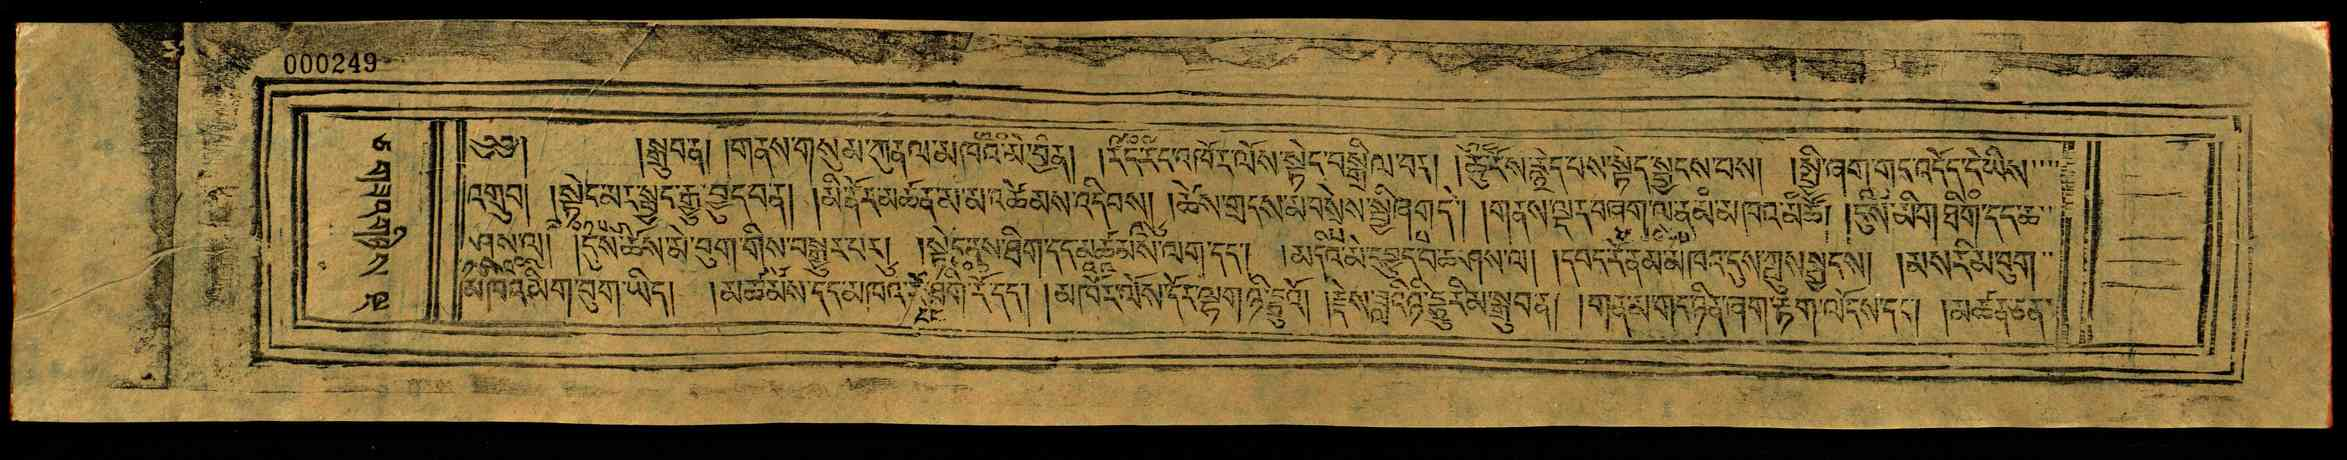༄༅། །སྒྲུབ་ན། །གནས་གསུམ་ཀུན་ལ་མཁའ་མེ་བྱིན། །རང་རང་འཁོར་ལོས་སྟེང་བསྒྲིལ་བར། །ཆུ་རོས་རྙེད་པས་སྟེང་སྦྱངས་པས། །སྤྱི་ཞག་གང་འདོད་ངེ་ཡིས་
འགྲུབ། །སྟེང་མར་སྦྱང་རྒྱུ་བྱུང་བ་ན། །མི་ནོར་མཚན་མ་མ་འཚེམས་འདེབས། །ཆེས་གྲངས་མ་བསྲེས་སྤྱི་ཞག་དེ། །གནས་ལྔར་བཞག་ལ་ནམ་མཁའ་མཚོ། །དུས་མིག་ཐིགཾ་དང་ཆ་
ཤས་ལ། །དུས་ཚེས་མེ་བུག་གིས་བསྒྱུར་པར། །སྟེང་ནས་ཐིགཾ་དང་མཚམས་ལག་ངག། །མངའ་མེ་འབྱུང་བ་ཆ་ཤས་ལ། །དབང་རོ་ནམ་མཁའ་དུས་ཀླུས་སྦྱངས། །མས་རིམ་བུག་
མཁའ་མིག་བུག་ཡིད། །མཚམས་དང་མཁའ་རོ་ཐིག་རོ་ངག། །མཁོར་ལོས་དོར་ལྷག་ཉི་དྷྲུའོ། །རྗེས་ཟླའི་ཉི་དྷྲུ་རིམ་སྒྲུབ་ན། །གནས་གང་ཉིན་ཞག་རྟག་ལོངས་དང་། །མཚན་ཅན་